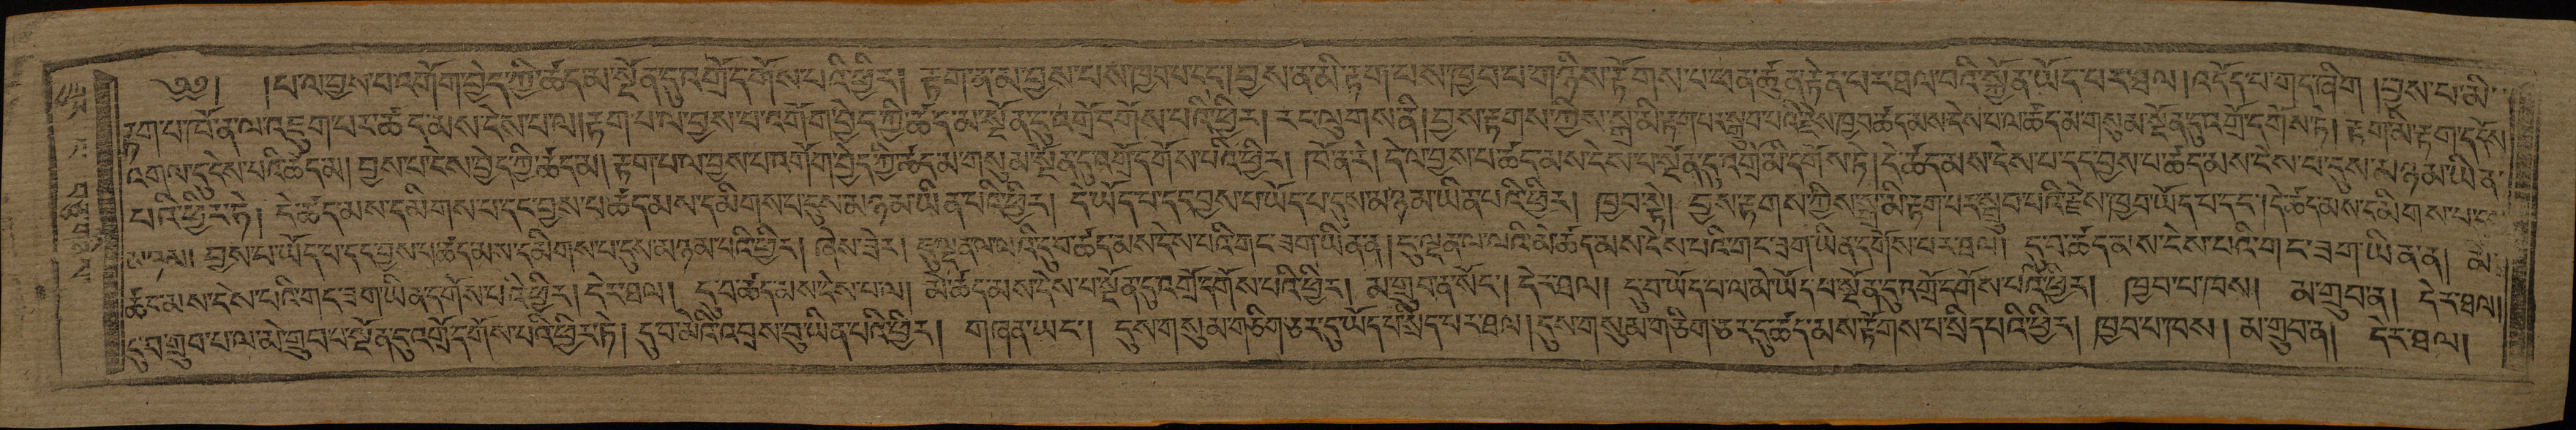༄༅། །པ་ལ་བྱས་པ་འགོག་བྱེད་ཀྱི་ཚད་མ་སྔོན་དུ་འགྲོ་དགོས་པའི་ཕྱིར། རྟག་ན་མ་བྱས་པས་ཁྱབ་པ་དང་། བྱས་ན་མི་རྟག་པས་ཁྱབ་པ་གཉིས་རྟོགས་པ་ཕན་ཚུན་བརྟེན་པར་ཐལ་བའི་སྐྱོན་ཡོད་པར་ཐལ། འདོད་པ་གང་ཞིག །བྱས་པ་མི་
རྟག་པ་ཁོ་ན་ལ་འཇུག་པར་ཚད་མས་ངེས་པ་ལ། རྟག་པ་ལ་བྱས་པ་འགོག་བྱེད་ཀྱི་ཚད་མ་སྔོན་དུ་འགྲོ་དགོས་པའི་ཕྱིར། རང་ལུགས་ནི། བྱས་རྟགས་ཀྱིས་སྒྲ་མི་རྟག་པར་སྒྲུབ་པའི་རྗེས་ཁྱབ་ཚད་མས་ངེས་པ་ལ་ཚད་མ་གསུམ་སྔོན་དུ་འགྲོ་དགོས་ཏེ། རྟག་མི་རྟག་དངོས་
འགལ་དུ་ངེས་པའི་ཚད་མ། བྱས་པ་ངེས་བྱེད་ཀྱི་ཚད་མ། རྟག་པ་ལ་བྱས་པ་འགོག་བྱེད་ཀྱི་ཚད་མ་གསུམ་སྔོན་དུ་འགྲོ་དགོས་པའི་ཕྱིར། ཁོ་ན་རེ། དེ་ལ་བྱས་པ་ཚད་མས་ངེས་པ་སྔོན་དུ་འགྲོ་མི་དགོས་ཏེ། དེ་ཚད་མས་ངེས་པ་དང་བྱས་པ་ཚད་མས་ངེས་པ་དུས་མཉམ་ཡིན་
པའི་ཕྱིར་ཏེ། དེ་ཚད་མས་དམིགས་པ་དང་བྱས་པ་ཚད་མས་དམིགས་པ་དུས་མཉམ་ཡིན་པའི་ཕྱིར། དེ་ཡོད་པ་དང་བྱས་པ་ཡོད་པ་དུས་མཉམ་ཡིན་པའི་ཕྱིར། ཁྱབ་སྟེ། བྱས་རྟགས་ཀྱིས་སྒྲ་མི་རྟག་པར་སྒྲུབ་པའི་རྗེས་ཁྱབ་ཡོད་པ་དང་། དེ་ཚད་མས་དམིགས་པ་དུས་
མཉམ། བྱས་པ་ཡོད་པ་དང་བྱས་པ་ཚད་མས་དམིགས་པ་དུས་མཉམ་པའི་ཕྱིར། ཞེས་ཟེར། དུ་ལྡན་ལ་ལ་དུ་བ་ཚད་མས་ངེས་པའི་གང་ཟག་ཡིན་ན། དུ་ལྡན་ལ་ལ་མེ་ཚད་མས་ངེས་པའི་གང་ཟག་ཡིན་དགོས་པར་ཐལ། དུ་བ་ཚད་མས་ངེས་པའི་གང་ཟག་ཡིན་ན། མེ་
ཚད་མས་ངེས་པའི་གང་ཟག་ཡིན་དགོས་པའི་ཕྱིར། དེར་ཐལ། དུ་བ་ཚད་མས་ངེས་པ་ལ། མེ་ཚད་མས་ངེས་པ་སྔོན་དུ་འགྲོ་དགོས་པའི་ཕྱིར། མ་གྲུབ་ན་སོང་། དེར་ཐལ། དུ་བ་ཡོད་པ་ལ་མེ་ཡོད་པ་སྔོན་དུ་འགྲོ་དགོས་པའི་ཕྱིར། ཁྱབ་པ་ཁས། མ་གྲུབ་ན། དེར་ཐལ།
དུ་བ་གྲུབ་པ་ལ་མེ་གྲུབ་པ་སྔོན་དུ་འགྲོ་དགོས་པའི་ཕྱིར་ཏེ། དུ་བ་མེའི་འབྲས་བུ་ཡིན་པའི་ཕྱིར། གཞན་ཡང་། དུས་གསུམ་གཅིག་ཅར་དུ་ཡོད་པ་སྲིད་པར་ཐལ། དུས་གསུམ་གཅིག་ཅར་དུ་ཚད་མས་རྟོགས་པ་སྲིད་པའི་ཕྱིར། ཁྱབ་པ་ཁས། མ་གྲུབ་ན། དེར་ཐལ།